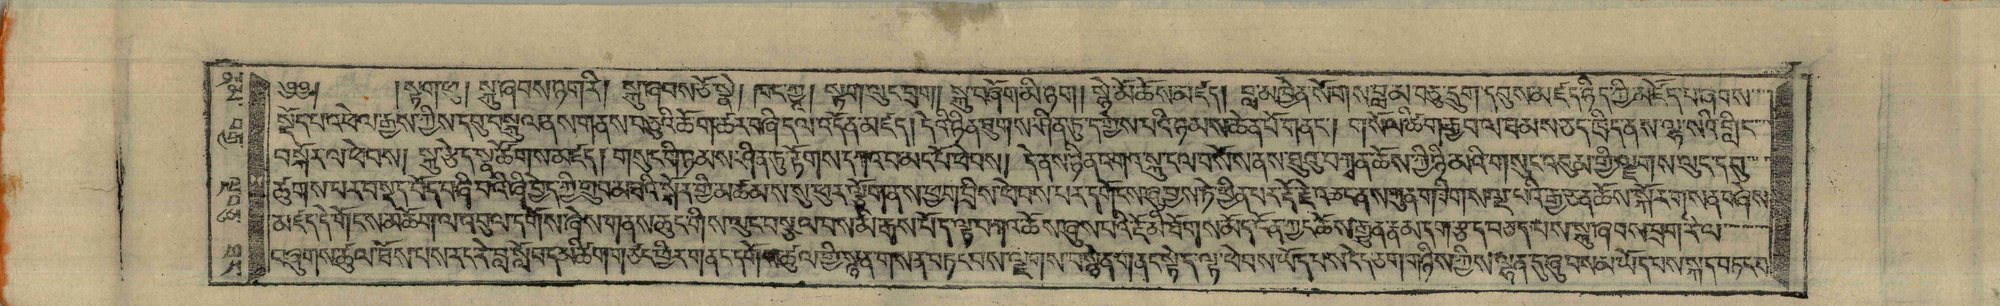༄༅། །སྟག་ཕུ། སྐུ་ཞབས་ཉག་རི། སྐུ་ཞབས་ཅོ་སྣེ། ཁང་ཀྱཱ། སྟག་ལུང་བྲག །སྐུ་བཞོག་མི་ཉག །སྙེ་མོ་ཆོས་མཛད། བླ་མཁྱེན་སོགས་བླ་མ་བཅུ་དྲུག་དབུས་མཛད་ཉིད་ཀྱི་མཛོད་པ་ཞབས་
སྡོད་པ་འཕེལ་རྒྱས་ཀྱིས་དབུ་བསྐུལ་ནས་གནས་བཅུའི་ཆོ་ག་ཚར་བཞི་དལ་འདོན་མཛད། དེའི་ཉིན་ཐུགས་ཤིན་ཏུ་དགྱེས་པའི་ཉམས་ཆེན་པོ་གནང་། གསོལ་ཚིག་རྒྱབ་ལ་ཐམས་ཅད་ཁྲིད་ནས་ལྷ་སའི་གླིང་
བསྐོར་ལ་ཕེབས། སྐུ་རྩེད་སྣ་ཚོགས་མཛད། གསུང་གི་ཉམས་ཤིན་ཏུ་རྟོགས་དཀའ་བ་མང་པོ་ཕེབས། དེ་ནས་ཉིན་འགའ་སྐུ་ངལ་བསོས་ནས་ཐུའུ་བཀྭན་ཆོས་ཀྱི་ཉི་མའི་གསུང་འབུམ་གྱི་ལྗགས་ལུང་དབུ་
ཚུགས་པར་བསྡད་བོད་བཞི་པའི་ཞི་བྱེད་ཀྱི་གྲུབ་མཐའི་སྐོར་གྱི་མཚམས་སུ་ཕུར་ལྕོག་ནས་ཕྱག་བྲིས་ཕེབས་པར་དགོངས་ཞུ་བྱས་ཏེ་ཕྱིན་པར་རྡོ་རྗེ་འཆང་ནས་ཀུན་གཟིགས་ལྔ་པའི་རྒྱ་ཅན་ཆོས་སྐོར་གསན་བཞེས་
མཛད་དེ་གོང་ས་མཆོག་ལ་འབུལ་དགོས་ཞེས་གནས་ཆུང་གིས་ལུང་བསྩལ་བས་མི་རྒས་པོ་ད་ལྟ་བཀའ་ཆོས་ཞུས་པའི་རྔོ་མི་ཐོགས་མོད་འོན་ཀྱང་ཆོས་རྒྱུན་རྣམ་དག་རྩད་བཅད་པས་སྐུ་ཞབས་བྲག་རི་ལ་
བཞུགས་ཚུལ་ཐོས་པས་རང་རེ་བླ་སློབ་དམ་ཚིག་གཙང་ཕྱིར་གནང་དགོས་ཚུལ་གྱི་སྙན་གསན་བཏང་པས་ལྗགས་བསྙེན་གནང་སྟེ་ད་ལྟ་ཕེབས་ཡོད་པས་ངེད་ཅག་གཉིས་ཀྱིས་ལྷན་དུ་ཞུ་བསམ་ཡོད་པས་སྐད་བཏང་བ་